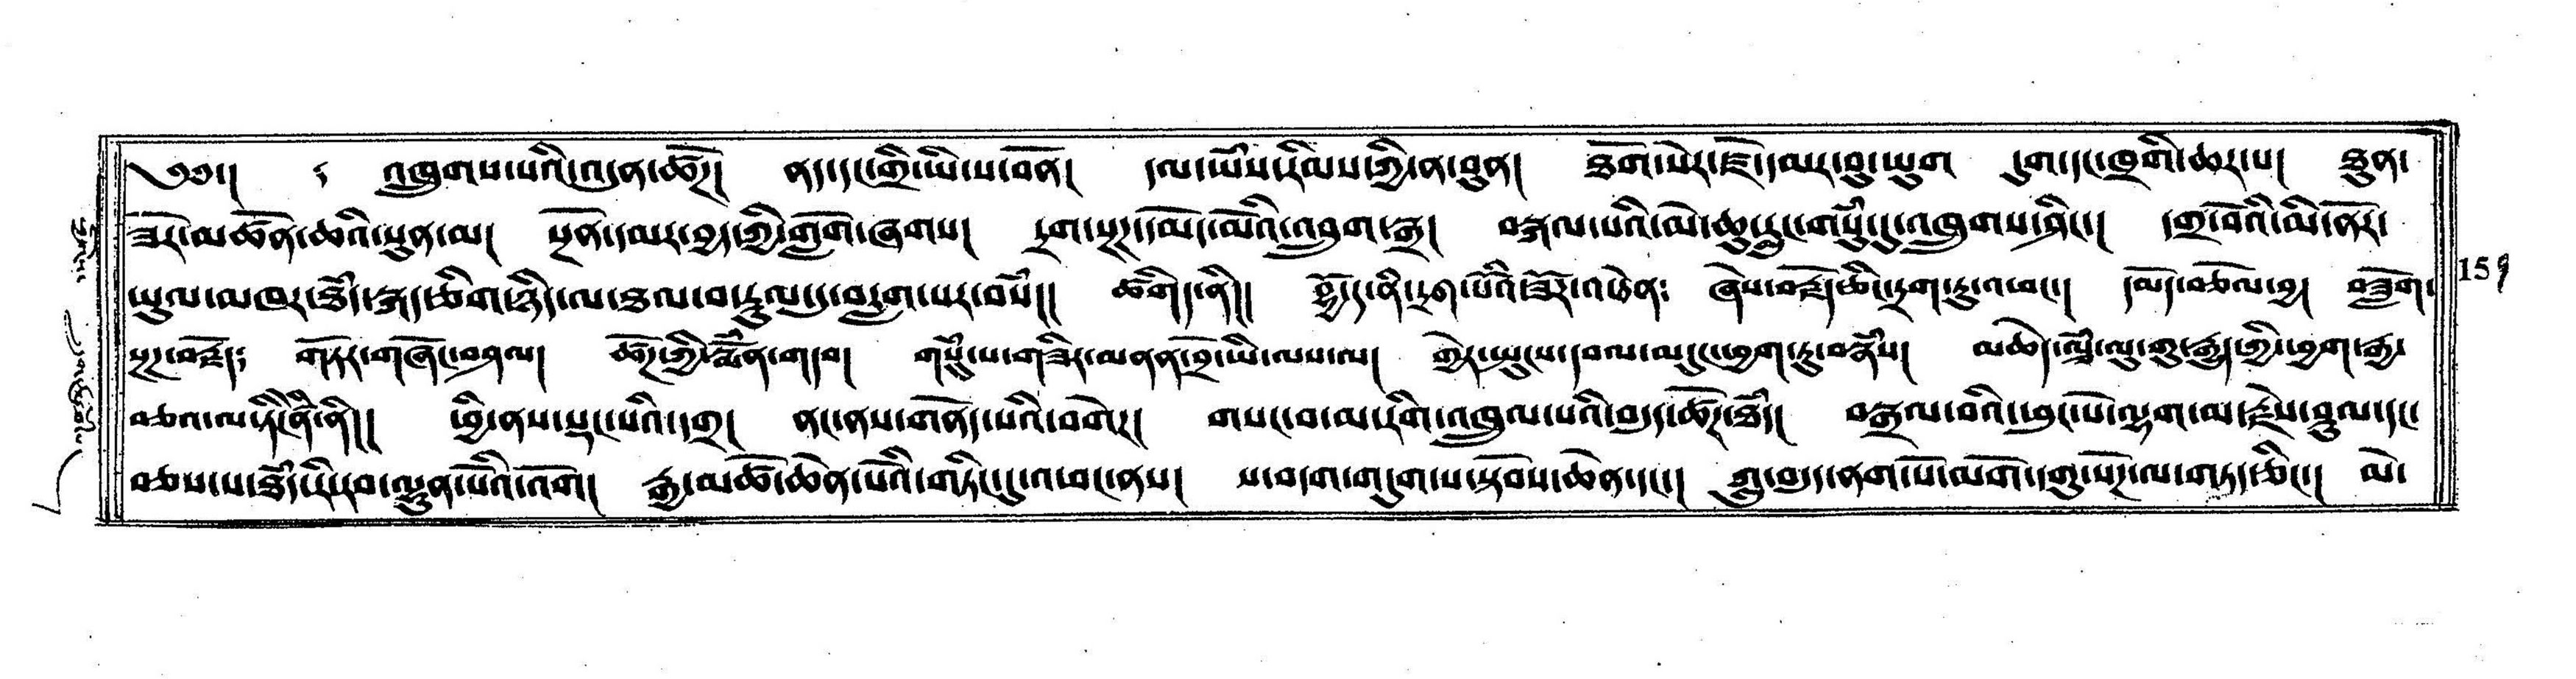འཁྲུགས་པའི་འདུན་ཚོགས། ནད་དང་གྲི་ཡི་ས་བོན། དལ་ཡམས་རིམས་ཀྱི་ན་བུན། ཐོག་སེར་ཛོ་དམར་བུ་ཡུག དུག་དང་ཁྲག་གི་ཆར་པ། ཐུན་
ཟོར་མཚོན་ཆའི་སུན་མ། སྔོན་དམར་བྱད་ཀྱི་གློག་ཞགས། དྲག་སྔགས་དམོད་མོའི་འབྲུག་སྒྲ། བསྐལ་པའི་མེ་ཆུ་རླུང་གསུམ་དུ་འཁྲུགས་ཤིང་། དགྲ་བོའི་མི་ནོར་
ཡུལ་མཁར་ཐམས་ཅད་སྐད་ཅིག་ཉིད་ལ་ཐལ་བ་རྡུལ་དུ་བརླག་པར་བསམ།། ཚིག་བཤད་ནི།། བྷྱོ་ད་ནི་དྲག་པོའི་ཟོར་འཕེན༴ ཞེས་བརྗོད་ཅིང་དྲག་ཏུ་འཕང་། དམོད་བཅོལ་བྱ། བཟློག་
སྔགས་བརྗོད། གཏོར་གཞོང་བཤལ། ཚོགས་ཀྱི་སྨོན་ལམ་གདབ། གསུམ་པ་གཟིར་མནན་བྲོ་ཡི་ལས་ལ། གྱེར་སྤུངས་དབལ་མདུང་ཕྱག་ཏུ་བསྣམས། མཆེད་ལྕམ་ལུ་གུ་རྒྱུད་ཀྱི་ཕྱག་རྒྱ་
བཅའ་ལ་ཏིང་ངེ་འཛིན་ནི། ཕྱི་ནས་སྡང་པའི་དགྲ། ནང་ནས་གནོད་པའི་བགེགས། གསང་བ་མ་རིག་འཁྲུལ་པའི་བདུད་ཚོགས་ཐམས་ཅད། བསྒྲལ་བའི་ཕུང་པོ་ལྷག་མ་རྗེས་ཤུལ་དང་
བཅས་པ་ཐམས་ཅད་རི་རབ་ལྷུན་པོའི་འོག རྒྱ་མཚོ་ཆེན་པོའི་གཏིང་དུ་འཕང་ནས། ས་བདག་གདུག་པ་སྟོབས་ཆེན་དང་། ཀླུ་བདུད་ནག་པོ་མགོ་དགུ་སོགས་ལ་གཏད་ཅིང་། མེ་